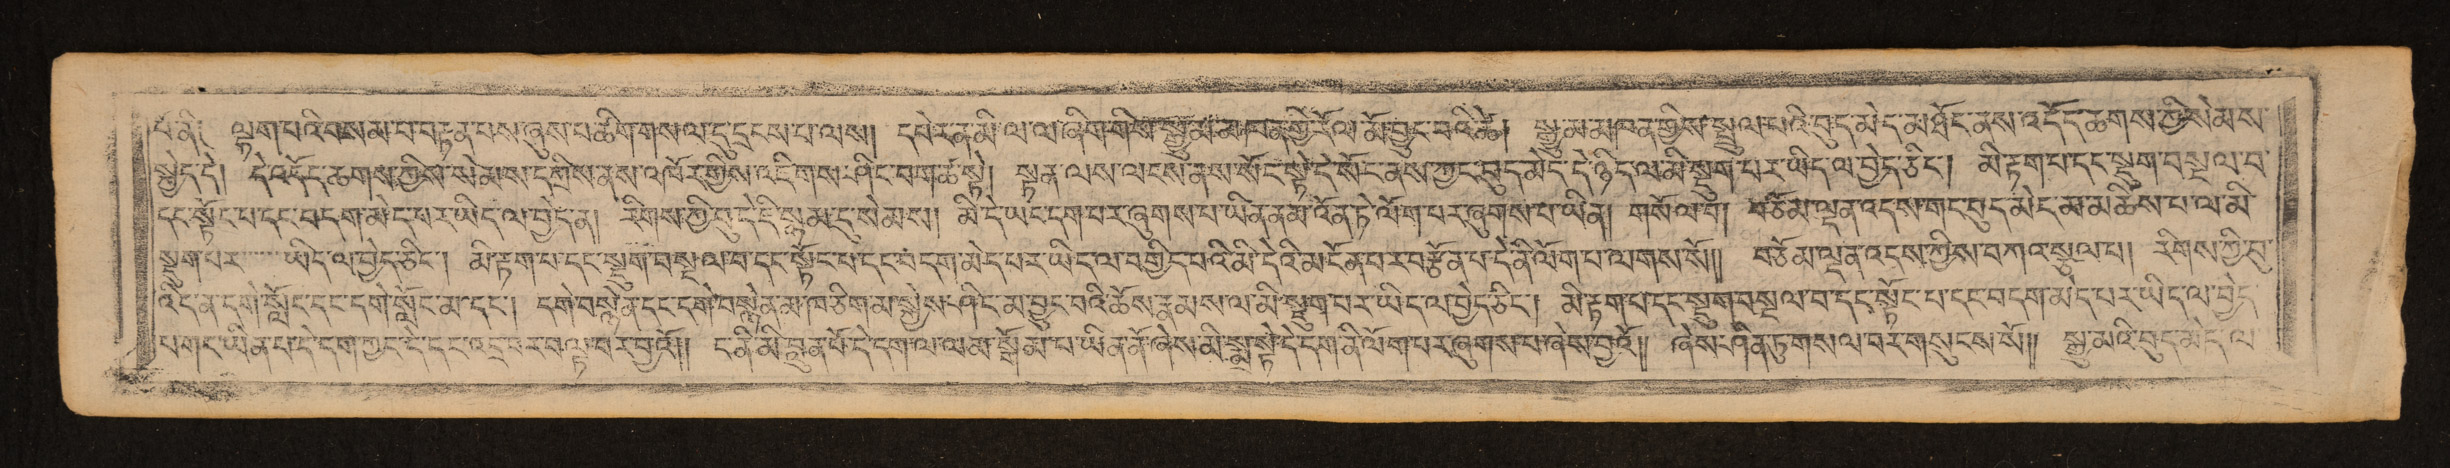པོ་ནི། ལྷག་པའི་བསམ་པ་བསྟན་པས་ཞུས་པ་ཚིག་གསལ་དུ་དྲངས་པ་ལས། དཔེར་ན་མི་ལ་ལ་ཞིག་གིས་སྒྱུ་མ་མཁན་གྱི་རོལ་མོ་བྱུང་བའི་ཚེ། སྒྱུ་མ་མཁན་གྱིས་སྤྲུལ་པའི་བུད་མེད་མཐོང་ནས་འདོད་ཆགས་ཀྱི་སེམས་
སྐྱེད་དེ། དེ་འདོད་ཆགས་ཀྱིས་སེམས་བཀྲིས་ནས་འཁོར་གྱིས་འཇིགས་ཤིང་བག་ཚ་སྟེ། སྟན་ལས་ལངས་ནས་སོང་སྟེ་དེ་སོང་ནས་ཀྱང་བུད་མེད་དེ་ཉིད་ལ་མི་སྡུག་པར་ཡིད་ལ་བྱེད་ཅིང་། མི་རྟག་པ་དང་སྡུག་བསྔལ་བ་
དང་སྟོང་པ་དང་བདག་མེད་པར་ཡིད་ལ་བྱེད་ན། རིགས་ཀྱི་བུ་དེ་ཇི་སྙམ་དུ་སེམས། མི་དེ་ཡང་དག་པར་ཞུགས་པ་ཡིན་ནམ་འོན་ཏེ་ལོག་པར་ཞུགས་པ་ཡིན། གསོལ་བ། བཅོམ་ལྡན་འདས་གང་བུད་མེད་མ་མཆིས་པ་ལ་མི་
སྡུག་པར་ཡིད་ལ་བྱེད་ཅིང་། མི་རྟག་པ་དང་སྡུག་བསྔལ་བ་དང་སྟོང་པ་དང་། བདག་མེད་པར་ཡིད་ལ་བགྱིད་པའི་མི་དེའི་མངོན་པར་བརྩོན་པ་དེ་ནི་ལོག་པ་ལགས་སོ།། བཅོམ་ལྡན་འདས་ཀྱིས་བཀའ་སྩལ་པ། རིགས་ཀྱི་བུ་
འདི་ན་དགེ་སློང་དང་དགེ་སློང་མ་དང་། དགེ་བསྙེན་དང་དགེ་བསྙེན་མ་ཁ་ཅིག་མ་སྐྱེས་ཤིང་མ་བྱུང་བའི་ཆོས་རྣམས་ལ་མི་སྡུག་པར་ཡིད་ལ་བྱེད་ཅིང་། མི་རྟག་པ་དང་སྡུག་བསྔལ་བ་དང་སྟོང་པ་དང་བདག་མེད་པར་ཡིད་ལ་བྱེད་
པ་གང་ཡིན་པ་དེ་དག་ཀྱང་དེ་དང་འདྲ་བར་བལྟ་བར་བྱའོ།། ང་ནི་མི་བླུན་པོ་དེ་དག་ལ་ལམ་སྒོམ་པ་ཡིན་ནོ་ཞེས་མི་སྨྲ་སྟེ་དེ་དག་ནི་ལོག་པར་ཞུགས་པ་ཞེས་བྱའོ།། ཞེས་ཤིན་ཏུ་གསལ་བར་གསུངས་སོ།། སྒྱུ་མའི་བུད་མེད་ལ་